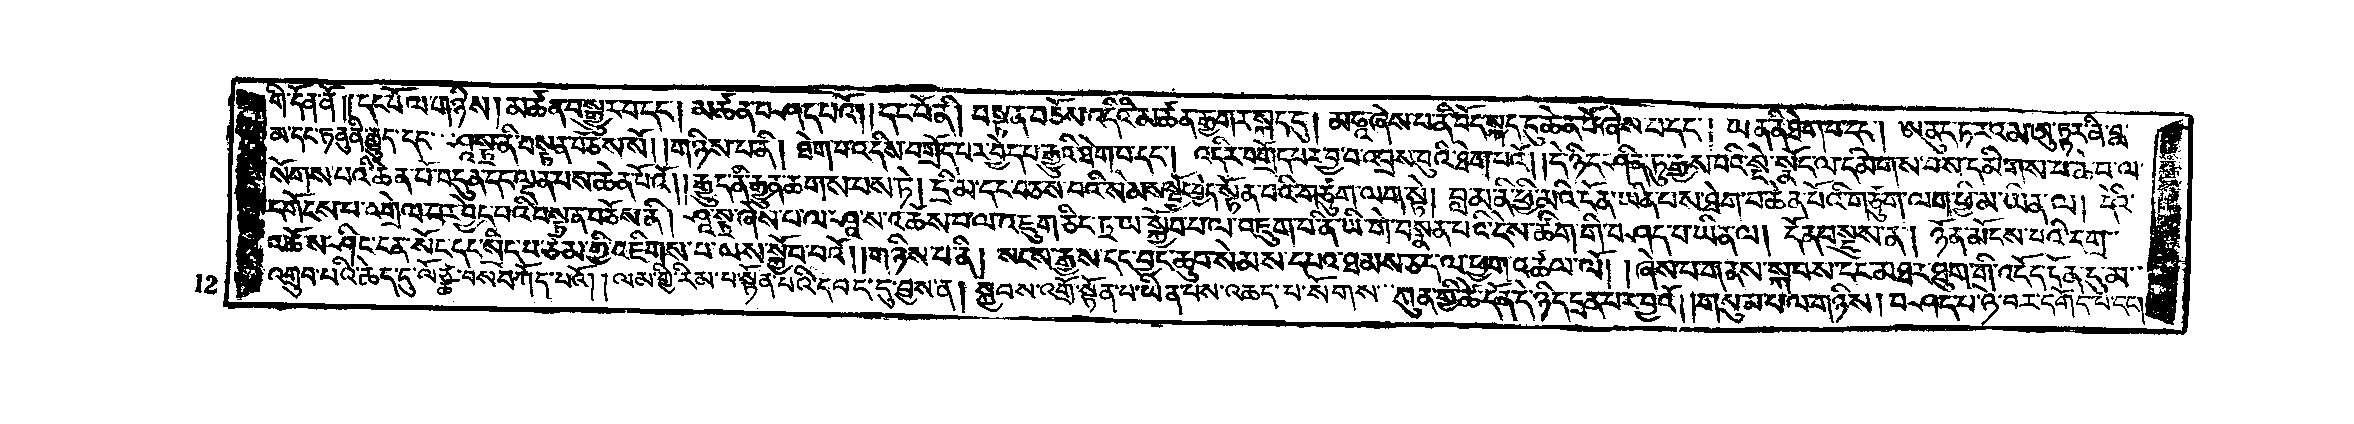གི་དོན་ནོ། །དང་པོ་ལ་གཉིས། མཚན་བསྒྱུར་བ་དང་། མཚན་བཤད་པའོ། །དང་པོ་ནི། བསྟན་བཅོས་འདིའི་མཚན་རྒྱ་གར་སྐད་དུ། མཧཱ་ཞེས་པ་ནི་བོད་སྐད་དུ་ཆེན་པོ་ཞེས་པ་དང་། ཡན་ནི་ཐེག་པ་དང་། ཨ་ནུད་ཏ་ར་འམ་ཨུ་ཏཏར་ནི་བླ་
མ་དང་ཏནུ་ནི་རྒྱུད་དང་ཤཱ་སྟྲ་ནི་བསྟན་བཅོས་སོ། །གཉིས་པ་ནི། ཐེག་པ་འདིས་བགྲོད་པར་བྱེད་པ་རྒྱུའི་ཐེག་པ་དང་། འདིར་བགྲོད་པར་བྱ་བ་འབྲས་བུའི་ཐེག་པའོ། །དེ་ཉིད་ཤིན་ཏུ་རྒྱས་པའི་སྡེ་སྣོད་ལ་དམིགས་པས་དམིགས་པ་ཆེ་བ་ལ་
སོགས་པའི་ཆེན་པོ་བདུན་དང་ལྡན་པས་ཆེན་པོའོ། །རྒྱུད་ནི་རྒྱུན་ཆགས་པས་ཏེ། དྲི་མ་དང་བཅས་པའི་སེམས་སྦྱོང་བྱེད་སྟོན་པའི་གཙུག་ལག་སྟེ། བླ་མ་ནི་ཕྱི་མའི་དོན་ཡིན་པས་ཐེག་པ་ཆེན་པོའི་གཙུག་ལག་ཕྱི་མ་ཡིན་ལ། དེའི་
དགོངས་པ་འགྲེལ་པར་བྱེད་པའི་བསྟན་བཅོས་ནི། ཤཱ་སྟྲ་ཞེས་པ་ལ་ཤཱ་ས་འཆོས་པ་ལ་འཇུག་ཅིང་ཏྲ་ཡ་སྐྱོབ་པ་ལ་འཇུག་པ་ནི་ཡི་གེ་བསྣན་པའི་ངེས་ཚིག་གི་བཤད་པ་ཡིན་ལ། དོན་བསྡུས་ན། ཉོན་མོངས་པའི་དགྲ་
འཆོས་ཤིང་ངན་སོང་དང་སྲིད་པ་ཙམ་གྱི་འཇིགས་པ་ལས་སྐྱོབ་པའོ། །གཉིས་པ་ནི། སངས་རྒྱས་དང་བྱང་ཆུས་སེམས་དཔའི་ཐམས་ཅད་ལ་ཕྱག་འཚལ་ལོ། །ཞེས་པ་གནས་སྐབས་དང་མཐར་ཐུག་གི་འདོད་དོན་དུ་མ་
འགྲུབ་པའི་ཆེད་དུ་ལོ་ཙྪ་བས་བཀོད་པའོ། །ལམ་གྱི་རིམ་པ་སྟོན་པའི་དབང་དུ་བྱས་ན། སྐྱབས་འགྲོ་སྟོན་པ་ཡིན་པས་འཆད་པ་སོགས་ཀུན་གྱི་ཚེ་དོན་དེ་ཉིད་དྲན་པར་བྱའོ། །གསུམ་པ་ལ་གཉིས། བཤད་པ་ཉེ་བར་དགོད་པ་དང་།